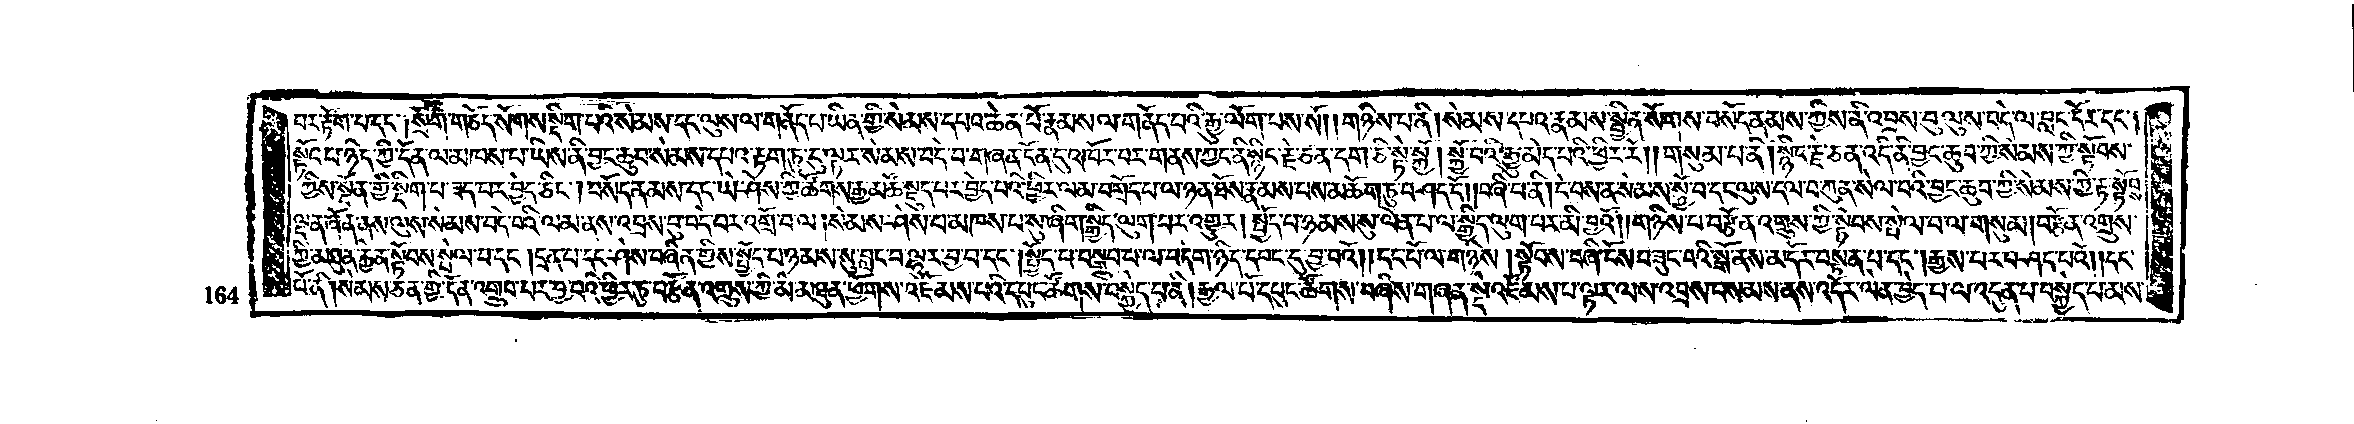པར་རྟོག་པ་དང་། སྲོག་གཅོད་སོགས་སྡིག་པའི་སེམས་དང་ལུས་ལ་གནོད་པ་ཡིན་གྱི་སེམས་དཔའ་ཆེན་པོ་རྣམས་ལ་གནོད་པའི་རྒྱུ་ལོག་པས་སོ། །གཉིས་པ་ནི། སེམས་དཔའ་རྣམས་སྦྱིན་དཔའ་རྣམས་སྦྱིན་སོགས་བསོད་ནམས་ཀྱིས་ནི་འབྲས་བུ་ལུས་བདེ་ལ་བླང་དོར་དང་།
སྟོང་པ་ཉིད་ཀྱི་དོན་ལ་མཁས་པ་ཡིས་ནི་བྱང་ཆུབ་སེམས་དཔའ་རྟག་ཏུ་དུ་ལྟར་སེམས་བདེ་བ་གཞན་དོན་དུ་འཁོར་བར་གནས་ཀྱང་ནི་སྙིང་རྗེ་ཙན་དག་ཅི་སྟེ་སྐྱོ། སྐྱོ་བའི་རྒྱུ་མེད་པའི་ཕྱིར་རོ། །གསུམ་པ་ནི། སྙིང་རྗེ་ཅན་འདི་ནི་བྱང་ཆུབ་ཀྱི་སེམས་ཀྱི་སྟོབས་
ཀྱིས་སྔོན་གྱི་སྡིག་པ་ཟད་པར་བྱེད་ཅིང་། བསོད་ནམས་དང་ཡེ་ཤེས་ཀྱི་ཚོགས་རྒྱ་མཚོ་སྡུད་པར་བྱེད་པའི་ཕྱིར་ལམ་བགྲོད་པ་ལ་ཉན་ཐོས་རྣམ་པས་མཆོག་ཏུ་བཤད་དོ། །བཞི་པ་ནི། དེ་བས་ན་སེམས་སྐྱོ་བ་དང་ལུས་དལ་བ་ཀུན་སེལ་བའི་བྱང་ཆུབ་ཀྱི་སེམས་ཀྱི་རྟ་སྟོབས་
ལྡན་ཞོན་ནས་ལུས་སེམས་བདེ་བའི་ལམ་ནས་འབྲས་བུ་བདེ་བར་འགྲོ་བ་ལ། སེམས་ཤེས་པ་མཁས་པ་སུ་ཞིག་སྒྱིད་ལུག་པར་འགྱུར། སྤྱོད་པ་ཉམས་སུ་ལེན་པ་ལ་སྒྱིད་ལུག་པར་མི་བྱའོ། །གཉིས་པ་བརྩོན་འགྲུས་ཀྱི་སྟོབས་སྤེལ་བ་ལ་གསུམ། བརྩོན་འགྲུས་
ཀྱི་མཐུན་རྐྱེན་སྟོབས་སྤེལ་བ་དང་། དྲན་པ་དང་ཤེས་བཞིན་གྱིས་སྤྱོད་པ་ཉམས་སུ་བླང་བ་ལྷུར་བྱ་བ་དང་། སྤྱོད་པ་བསྒྲུབ་པ་ལ་བདག་ཉིད་དབང་དུ་བྱ་བའོ། །དང་པོ་ལ་གཉིས། སྟོབས་བཞི་ངོས་བཟུང་བའི་སྒོ་ནས་མདོར་བསྟན་པ་དང་། རྒྱས་པར་བཤད་པའོ། །དང་
པོ་ནི། སེམས་ཅན་གྱི་དོན་འགྲུབ་པར་བྱ་བའི་ཕྱིར་ཏུ་བརྩོན་འགྲུས་ཀྱི་མི་མཐུན་ཕྱོགས་འཇོམས་པའི་དཔུང་ཚོགས་བསྐྱེད་པ་ནི། རྒྱལ་པོ་དཔུང་ཚོགས་བཞིས་གཞན་སྡེ་འཇོམས་པ་ལྟར་ལས་འབྲས་བསམས་ནས་འདོར་ལེན་བྱེད་པ་ལ་འདུན་པ་བསྐྱེད་པ་མས?